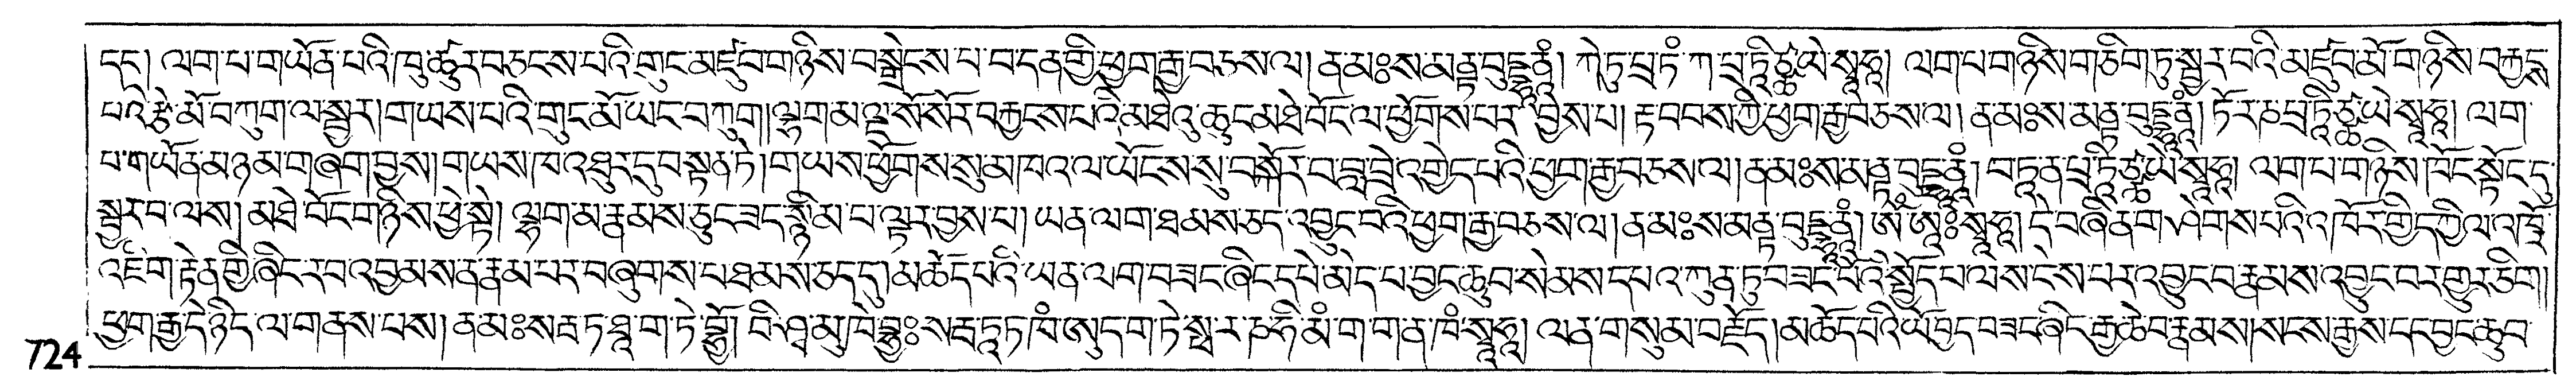དང་། ལག་པ་གཡོན་པའི་ཁུ་ཚུར་བཅངས་པའི་གུང་མཛུབ་གཉིས་བསྒྲེངས་པ་བ་དན་གྱི་ཕྱག་རྒྱ་བཅས་ལ། ན་མཿ ས་མནྟ་བུདྡྷཱ་ནཱཾ། ཀེ་ཏུ་པྲ་ཏཾ་ཀ་པྲ་ཏཱི་ཙྪ་ཡེ་སྭཱཧཱ། ལག་པ་གཉིས་གཅིག་ཏུ་སྦྱར་བའི་མཛུབ་མོ་གཉིས་བརྐྱངས་
པའི་རྩེ་མོ་བཀུག་ལ་སྦྱར། གཡས་པའི་གུང་མོ་ཡང་བཀུག །ལྷག་མ་ལྔ་སོ་སོར་བརྐྱངས་པའི་མཐེའུ་ཆུང་མཐེ་བོང་ལ་ཕྱོགས་པར་བྱས་པ། རྟ་བབས་ཀྱི་ཕྱག་རྒྱ་བཅས་ལ། ན་མཿ ས་མནྟ་བུདྡྷཱ་ནཱཾ། ཏོ་ར་ཎ་པྲ་ཏཱི་ཙྪ་ཡེ་སྭཱཧཱ། ལག་
པ་གཡོན་མཉམ་གཞག་བྱས། གཡས་ཁ་འཐུར་དུ་བསྟན་ཏེ། གཡས་ཕྱོགས་སུ་མཁའ་ལ་ཡོངས་སུ་བསྐོར་བ་བླ་བྲེ་འགྱེད་པའི་ཕྱག་རྒྱ་བཅས་ལ། ན་མཿ ས་མནྟ་བུདྡྷཱ་ནཱཾ། བ་ཏཱ་ན་པྲ་ཏཱི་ཙྪ་ཡེ་སྭཱཧཱ། ལག་པ་གཉིས་ཁོང་སྟོང་དུ་
སྦྱར་བ་ལས། མཐེ་བོང་གཉིས་ཕྱེ་སྟེ། ལྷག་མ་རྣམས་ཅུང་ཟད་སྙིམ་པ་ལྟར་བྱས་པ། ཡན་ལག་ཐམས་ཅད་འབྱུང་བའི་ཕྱག་རྒྱ་བཅས་ལ། ན་མཿ ས་མནྟ་བུདྡྷཱ་ནཱཾ། ཨོཾ་ཨཱཿ སྭཱཧཱ། དེ་བཞིན་གཤེགས་པའི་འཁོར་གྱི་དཀྱིལ་འཁོར་
འཇིག་རྟེན་གྱི་ཞིང་རབ་འབྱམས་ན་རྣམ་པར་བཞུགས་པ་ཐམས་ཅད་དུ། མཆོད་པའི་ཡན་ལག་བཟང་ཞིང་དཔེ་མེད་པ་བྱང་ཆུབ་སེམས་དཔའ་ཀུན་ཏུ་བཟང་པོའི་སྤྱོད་པ་ལས་ངེས་པར་འབྱུང་བ་རྣམས་འབྱུང་བར་གྱུར་ཅིག །
ཕྱག་རྒྱ་དེ་ཉིད་ལ་གནས་པས། ན་མཿ སརྦ་ཏ་ཐཱ་ག་ཏེ་བྷྱོ། བི་ཤྭ་མུ་ཁེ་བྷྱཿ སརྦ་ཏཱ་ཏ་ཁཾ་ཨུད་ག་ཏེ་སྥ་ར་ཎ་ཧི་མཾ་ག་ག་ན་ཁཾ་སྭཱཧཱ། ལན་གསུམ་བརྗོད། མཆོད་པའི་ཡོ་བྱད་བཟང་ཞིང་རྒྱ་ཆེ་བ་རྣམས། སངས་རྒྱས་དང་བྱང་ཆུབ་